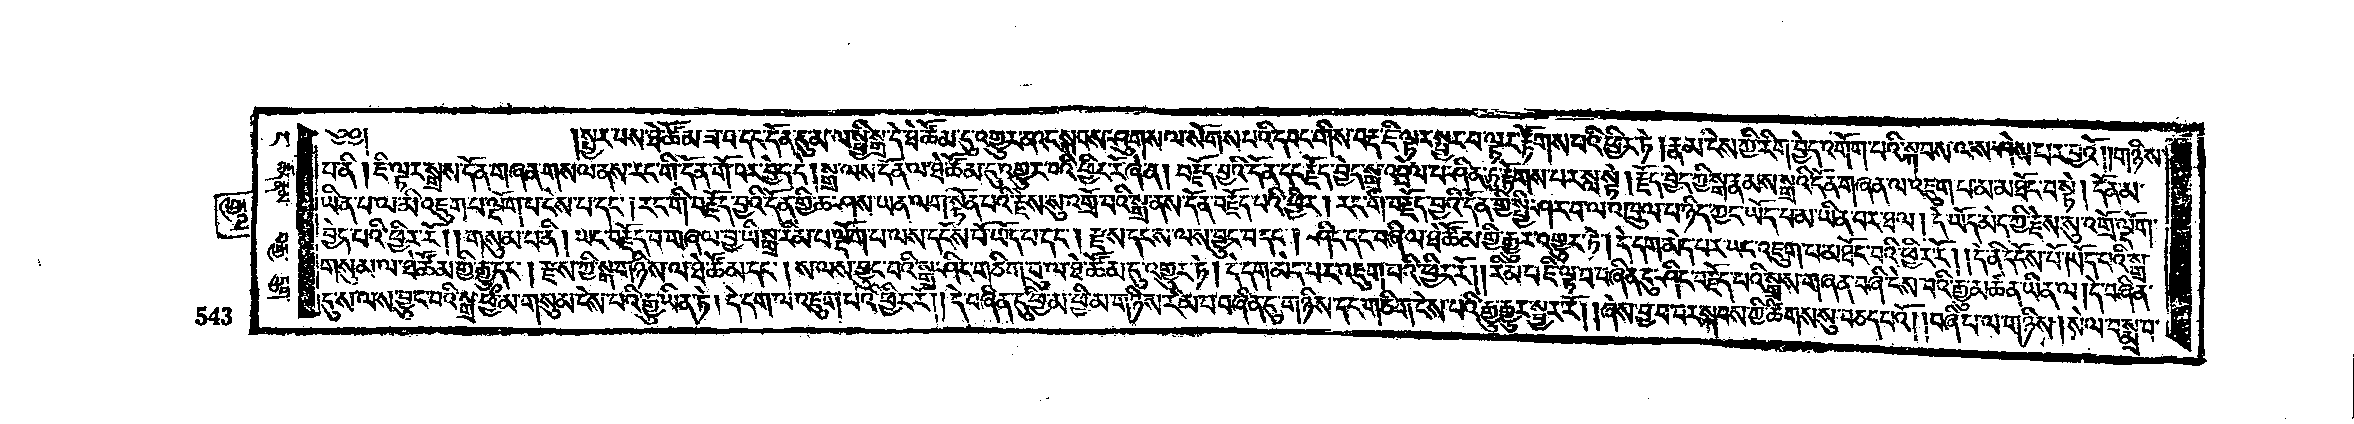༄༅། །སྦྱར་བས་ཐེ་ཚོམ་ཟ་བ་དང་དོན་དུ་མ་ལ་སྤྱི་སྒྲ་དེ་ཐེ་ཚོམ་དུ་འགྱུར་ནའང་སྐབས་ཤུགས་ལ་སོགས་པའི་དབང་གིས་བྲད་ཇི་ལྟར་སྦྱར་བ་ལྟར་རྟོགས་པའི་ཕྱིར་ཏེ། རྣམ་ངེས་ཀྱི་རིག་བྱེད་འགོག་པའི་སྐབས་ལས་ཤེས་པར་བྱའོ། །གཉིས་
པ་ནི། ཇི་ལྟར་སྒྲས་དོན་གཞན་གསལ་ནས་རང་གི་དོན་གོ་བར་བྱེད་དེ། སྒྲ་ལས་དོན་ལ་ཐེ་ཚོམ་དུ་འགྱུར་བའི་ཕྱིར་རོ་ཞེ་ན། བརྗོད་བྱའི་དོན་དང་རྗོད་བྱེད་སྒྲ་འབྲེལ་པ་ཤིན་ཏུ་རྟོག་སྤར་སླ་སྟེ། རྗོད་བྱེད་ཀྱི་སྒྲ་རྣམས་སྒྲའི་དོན་གཞན་ལ་འཇུག་པ་མ་མཐོང་བ་སྟེ། དོན་མ་
ཡིན་པ་ལ་མི་འཇུག་པ་ལྡོག་པ་ངེས་པ་དང་། རང་གི་བརྗོད་བྱའི་དོན་གྱི་ཆ་ཤས་ཡན་ལག་སྟོན་པའི་རྗེས་སུ་འགྲོ་བའི་སྒྲ་ནས་དོན་བརྗོད་པའི་ཕྱིར། རང་གི་བརྗོད་བྱའི་དོན་གྱི་སྤྱི་ཤར་བ་ལ་འཁྲུལ་པ་ཉིད་ཀྱང་ཡོད་པ་མ་ཡིན་པར་ཐལ། དེ་ཡོད་མེད་ཀྱི་རྗེས་སུ་འགྲོ་ལྡོག་
བྱེད་པའི་ཕྱིར་རོ། །གསུམ་པ་ནི། ཡང་བརྗོད་པ་གཞལ་བྱ་ཡི་སྒྲ་རིམ་པ་ལྡོག་པ་ལས་དངོས་པོ་ཡོད་པ་དང་། རྫས་དང་ས་ལས་བྱུང་བ་དང་། ཤིང་དང་བཞི་ལ་ཐེ་ཚོམ་གྱི་རྒྱུར་འགྱུར་ཏེ། དེ་དག་མེད་པར་ཡང་འཇུག་པ་མཐོང་བའི་ཕྱིར་རོ། །དེ་ནི་དངོས་པོ་ཡོད་པའི་སྒྲ་
གསུམ་ལ་ཐེ་ཚོམ་གྱི་རྒྱུད་དང་། རྫས་ཀྱི་སྒྲ་གཉིས་ལ་ཐེ་ཚོམ་དང་། ས་ལས་བྱུང་བའི་སྒྲ་ཤིང་གཅིག་པུ་ལ་ཐེ་ཚོམ་དུ་འགྱུར་ཏེ། དེ་དག་མེད་པར་འཇུག་པའི་ཕྱིར་རོ། །རིམ་པ་ཇི་ལྟ་བ་བཞིན་དུ་ཤིང་བརྗོད་པའི་སྒྲས་གཞན་བཞི་ངེས་པའི་རྒྱུ་མཚན་ཡིན་ལ། དེ་བཞིན་
དུ་ས་ལས་བྱུང་བའི་སྒྲ་ཕྱི་མ་གསུམ་ངེས་པའི་རྒྱུ་ཡིན་ཏེ། དེ་དག་ལ་འཇུག་པའི་ཕྱིར་རོ། །དེ་བཞིན་དུ་ཕྱི་མ་ཕྱི་མ་གཉིས་རིམ་པ་བཞིན་དུ་གཉིས་དང་གཅིག་ངེས་པའི་རྒྱུ་རྒྱུར་སྦྱར་རོ། །ཞེས་བྱ་བ་བར་སྐབས་ཀྱི་ཚིགས་སུ་བཅད་པའོ། །བཞི་པ་ལ་གཉིས། སེལ་བ་སྨྲ་བ་